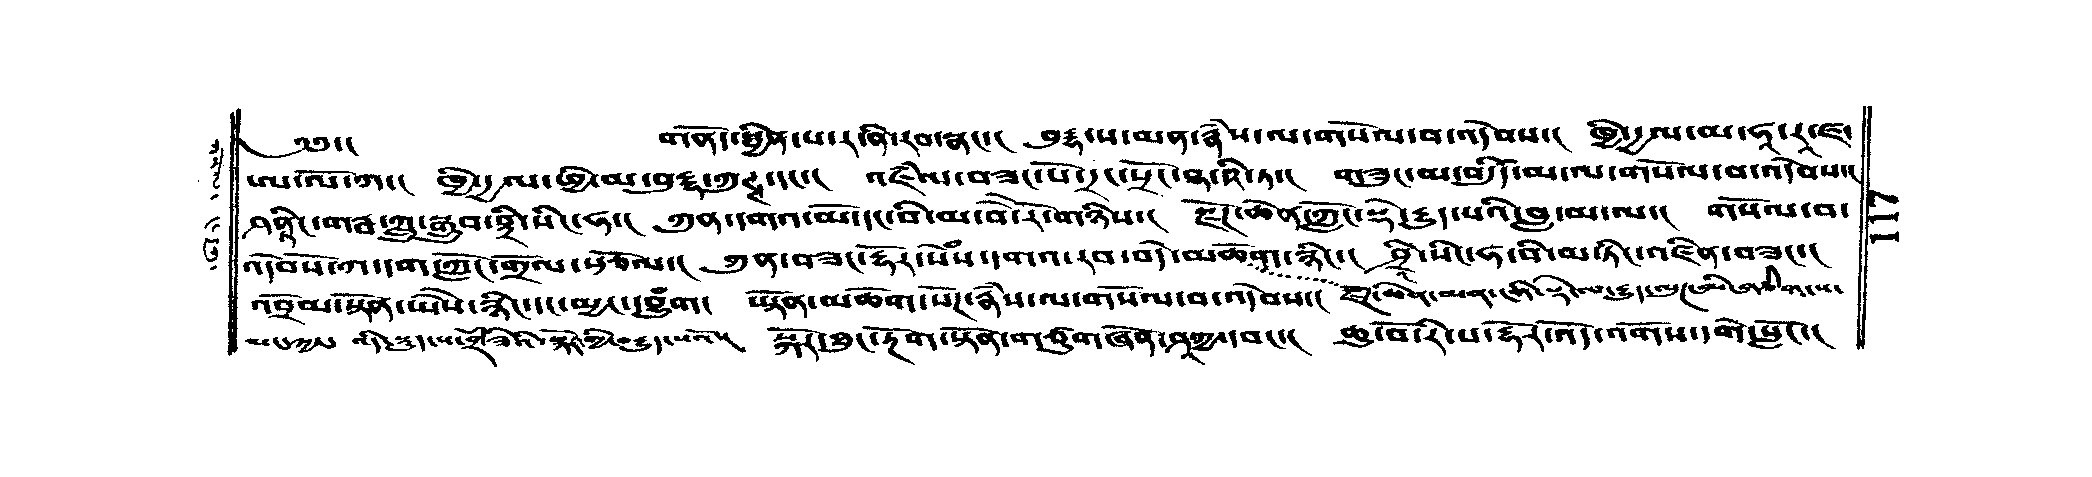གནོད་སྦྱིན་པ་ར་ནི་རབ་སྣང་། །བུདྡྷ་ས་མན་རྣམས་ལ་གསོལ་བ་འདེབས། །ཁྱི་རྒྱལ་མ་ཧཱ་རཱ་ཛ་
ཨ་ལོ་ཀ །ཁྱི་རྒྱལ་ཕྱི་མ་བུདྡྷ་ཀུཊྚ་དང་། །འཇམ་དཔལ་བཟང་པོ་དྲང་སྲོང་བྷ་རི་ཏ། །གཟུངས་མ་བདུད་རྩི་མ་ལ་གསོལ་བ་འདེབས། 
ཤནྟིང་གྷརྦྷ་ཀླུ་སྒྲུབ་ཤྲཱི་སིང་ཧ། །ཀུན་དགའ་མོ་དང་བི་མ་བཻ་རོ་གཉིས། །རྫོགས་ཆེན་ཀློང་སྡེ་རྒྱུད་པའི་བླ་མ་ལ། །གསོལ་བ་
འདེབས་སོ་ཀ་དག་ཀློང་གྲོལ་སྩོལ། །ཀུན་བཟང་རྡོར་སེམས་དགའ་རབ་བདེ་མཆོག་{རྫོགས་ཆེན་མན་ངག་གི་སྡེ་ལ་རྒྱུད་ལུགས་མི་གཅིག་པ་མང་ཀྱང་། འདི་སྡུད་པ་བྲམ་ཟེའི་སྐོར་གྱི་བརྒྱུད་པའོ། }སྙིང་། །ཤྲཱི་སིངྷ་བི་མ་ཏིང་འཛིན་བཟང་། །
འབྲོམ་སྟོན་ཡེ་ཤེས་སྙིང་དང་མྱང་དབང་ཕྱུག །ཡོན་ཏན་མཆོག་སོགས་རྣམས་ལ་གསོལ་བ་འདེབས། །
སྐོར་ཐུང་རྔོག་སྟོན་གཙུག་གཞོན་ཤཱཀྱ་དབང་། །ཆུ་བོ་རི་པ་རྡོར་འོད་འགོས་དགེ་སློང་།